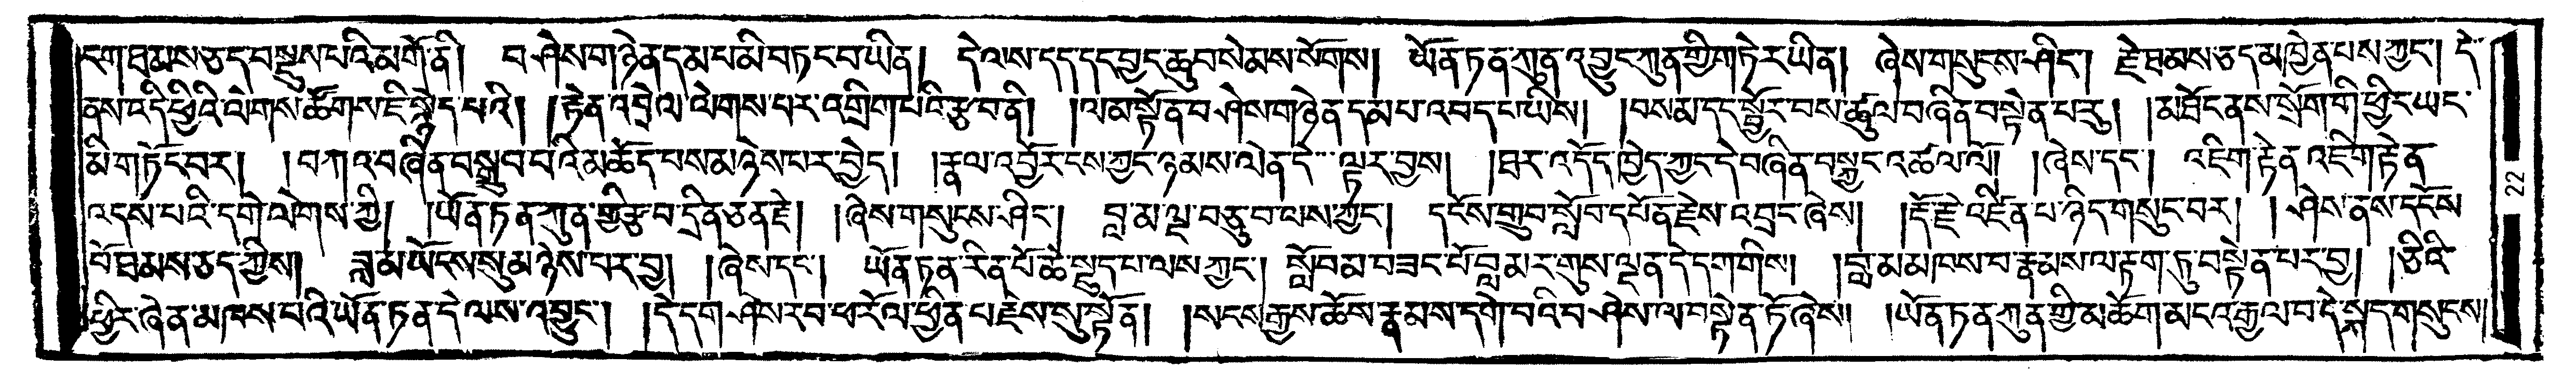ངག་ཐམས་ཅད་བསྡུས་པའི་མགོ་ནི། བཤེས་གཉེན་དམ་པ་མི་བཏང་བ་ཡིན། དེ་ལས་དད་དང་བྱང་ཆུབ་སེམས་སོགས། ཡོན་ཏན་ཀུན་འབྱུང་ཀུན་གྱི་གཏེར་ཡིན། ཞེས་གསུངས་ཤིང་། རྗེ་ཐམས་ཅད་མཁྱེན་པས་ཀྱང་། དེ་
ནས་འདི་ཕྱིའི་ལེགས་ཚོགས་ཇི་སྙེད་པའི། །རྟེན་འབྲེལ་ལེགས་པར་འགྲིག་པའི་རྩ་བ་ནི། །ལམ་སྟོན་བཤེས་གཉེན་དམ་པ་འབད་པ་ཡིས། །བསམ་དང་སྦྱོར་བས་ཚུལ་བཞིན་བསྟེན་པ་རུ། །མཐོང་ནས་སྲོག་གི་ཕྱིར་ཡང་
མི་གཏོང་བར། །བཀའ་བཞིན་བསྒྲུབ་པའི་མཆོད་པས་མཉེས་པར་བྱེད། །རྣལ་འབྱོར་ངས་ཀྱང་ཉམས་ལེན་དེ་ལྟར་བྱས། །ཐར་འདོད་ཁྱེད་ཀྱང་དེ་བཞིན་བསྐྱང་འཚལ་ལོ། །ཞེས་དང་། འཇིག་རྟེན་འཇིག་རྟེན་
འདས་པའི་དགེ་ལེགས་ཀྱི། །ཡོན་ཏན་ཀུན་གྱི་རྩ་བ་དྲིན་ཅན་རྗེ། །ཞེས་གསུངས་ཤིང་། བླ་མ་ལྔ་བཅུ་པ་ལས་ཀྱང་། དངོས་གྲུབ་སློབ་དཔོན་རྗེས་འབྲང་ཞེས། །རྡོ་རྗེ་འཛིན་པ་ཉིད་གསུང་བར། །ཤེས་ནས་དངོས་
པོ་ཐམས་ཅད་ཀྱིས། བླ་མ་ཡོངས་སུ་མཉེས་པར་བྱ། །ཞེས་དང་། ཡོན་ཏན་རིན་པོ་ཆེ་སྡུད་པ་ལས་ཀྱང་། སློབ་མ་བཟང་པོ་བླ་མར་གུས་ལྡན་དེ་དག་གིས། །བླ་མ་མཁས་པ་རྣམས་ལ་རྟག་ཏུ་བསྟེན་པར་བྱ། །ཅིའི་
ཕྱིར་ཞེན་མཁས་པའི་ཡོན་ཏན་དེ་ལས་འབྱུང་། །དེ་དག་ཤེས་རབ་ཕ་རོལ་ཕྱིན་པ་རྗེས་སུ་སྟོན། །སངས་རྒྱས་ཆོས་རྣམས་དགེ་བའི་བཤེས་ལ་བསྟེན་ཏོ་ཞེས། །ཡོན་ཏན་ཀུན་གྱི་མཆོག་མངའ་རྒྱལ་བ་དེ་སྐད་གསུངས།